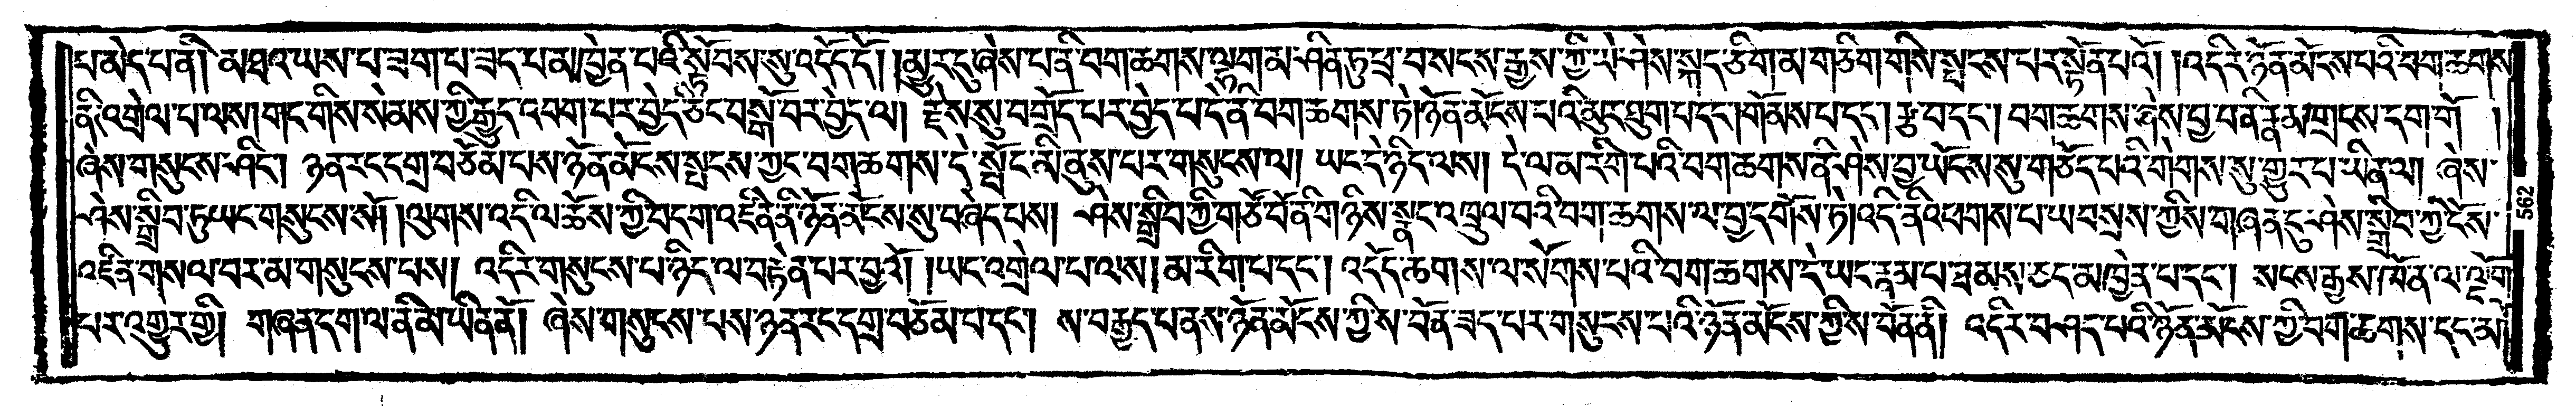པ་མེད་པ་ནི། མཐའ་ཡས་པ་ཟག་པ་ཟད་པ་མཁྱེན་པའི་སྟོབས་སུ་འདོད་དོ། །མྱུར་དུ་ཞེས་པ་ནི་བག་ཆགས་ལྷག་མ་ཤིན་ཏུ་ཕྲ་བ་སངས་རྒྱས་ཀྱི་ཡེ་ཤེས་སྐད་ཅིག་མ་གཅིག་གིས་སྤངས་པར་སྟོན་པའོ། །འདིར་ཉོན་མོངས་པའི་བག་ཆགས་
ནི༑ འགྲེལ་པ་ལས། གང་གིས་སེམས་ཀྱི་རྒྱུད་འབགས་པར་བྱེད་ཅིང་བསྒོ་བར་བྱེད་ལ། རྗེས་སུ་བགྲོད་པར་བྱེད་པ་དེ་ནི་བག་ཆགས་ཏེ། ཉོན་མོངས་པའི་མུར་ཐུག་པ་དང་། གོམས་པ་དང་། རྩ་བ་དང་། བག་ཆགས་ཞེས་བྱ་བ་ནི་རྣམ་གྲངས་དག་གོ།
ཞེས་གསུངས་ཤིང་། ཉན་རང་དགྲ་བཅོམ་པས་ཉོན་མོངས་སྤངས་ཀྱང་བག་ཆགས་དེ་སྤོང་མི་ནུས་པར་གསུངས་ལ། ཡང་དེ་ཉིད་ལས། དེ་ལ་མ་རིག་པའི་བག་ཆགས་ནི་ཤེས་བྱ་ཡོངས་སུ་གཅོད་པའི་གེགས་སུ་གྱུར་པ་ཡིན་ལ། ཞེས་
ཤེས་སྒྲིབ་ཏུ་ཡང་གསུངས་སོ། །ལུགས་འདི་ལ་ཆོས་ཀྱི་བདག་འཛིན་ནི་ཉོན་མོངས་སུ་བཞེད་པས། ཤེས་སྒྲིབ་ཀྱི་གཙོ་བོ་ནི་གཉིས་སྣང་འཁྲུལ་བའི་བག་ཆགས་ལ་བྱ་དགོས་ཏེ། འདི་ནི་འཕགས་པ་ཡབ་སྲས་ཀྱིས་གཞན་དུ་ཤེས་སྒྲིབ་ཀྱི་ངོས་
འཛིན་གསལ་བར་མ་གསུངས་པས། འདིར་གསུངས་པ་ཉིད་ལ་བརྟན་པར་བྱའོ། །ཡང་འགྲེལ་པ་ལས། མ་རིག་པ་དང་། འདོད་ཆགས་ལ་སོགས་པའི་བག་ཆགས་དེ་ཡང་རྣམ་པ་ཐམས་ཅད་མཁྱེན་པ་དང་། སངས་རྒྱས་ཁོ་ན་ལ་ལྡོག་
པར་འགྱུར་གྱི། གཞན་དག་ལ་ནི་མ་ཡིན་ནོ། ཞེས་གསུངས་པས་ཉན་རང་དགྲ་བཅོམ་པ་དང་། ས་བརྒྱད་པ་ནས་ཉོན་མོངས་ཀྱི་ས་བོན་ཟད་པར་གསུངས་པའི་ཉོན་མོངས་ཀྱི་ས་བོན་ནི། འདིར་བཤད་པའི་ཉོན་མོངས་ཀྱི་བག་ཆགས་དང་མི་